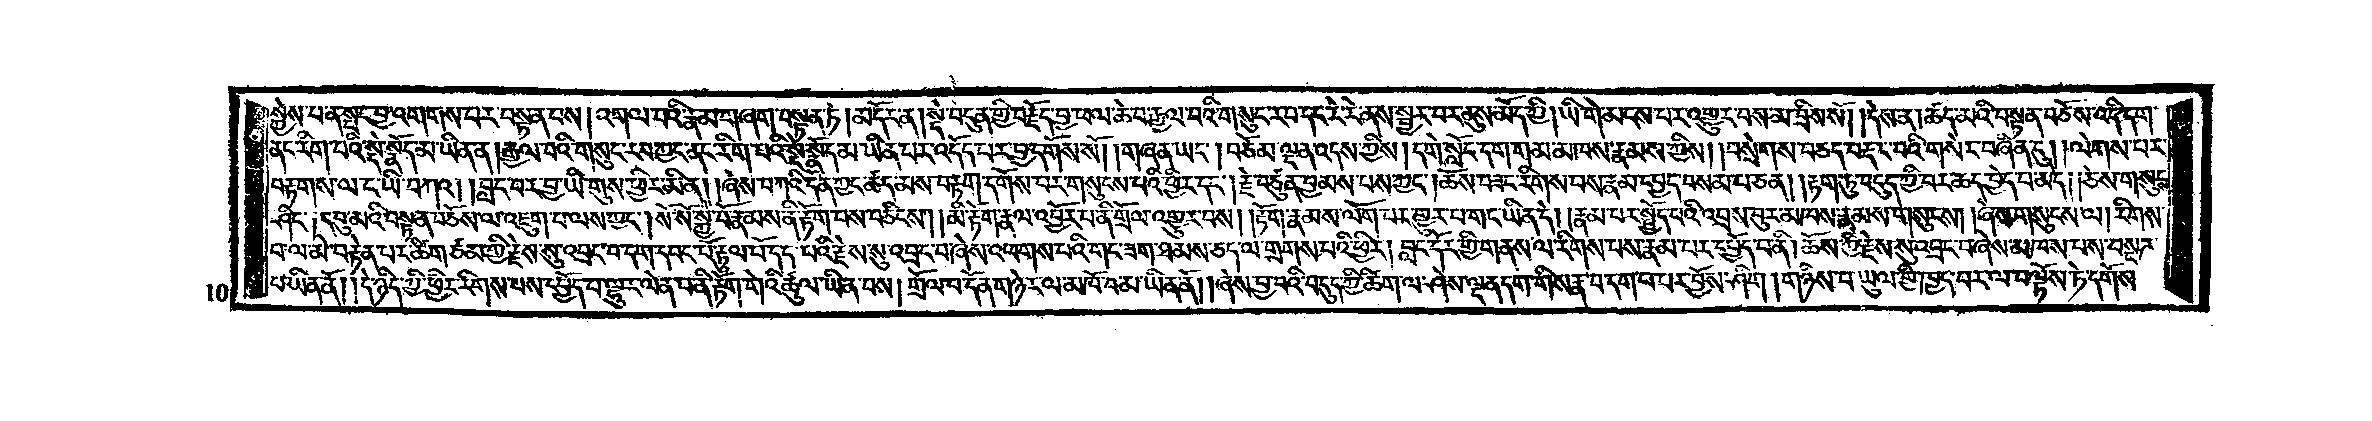སྐྱེས་པ་ན་སྤང་བྱ་འགགས་པར་བསྟན་པས། འགལ་བའི་རྣམ་གཞག་བསྟན་ཏེ། མདོར་ན། སྡེ་བདུན་གྱི་བརྗོད་བྱ་ཕལ་ཆེ་བ་རྒྱལ་བའི་གསུང་རབ་དང་རེ་རེ་ནས་སྦྱར་བར་ནུས་མོད་ཀྱི། ཡི་གེ་མངས་པར་འགྱུར་བས་མ་བྲིས་སོ། །དེས་ན། ཚད་མའི་བསྟན་བཅོས་འདི་དག་
ནང་རིག་པའི་སྡེ་སྣོད་མ་ཡིན་ན། རྒྱལ་བའི་གསུང་རབ་ཀྱང་ནང་རིག་པའི་སྡེ་སྡོད་མ་ཡིན་པར་འདོད་པར་བྱ་དགོས་སོ། །གཞན་ཡང་། བཅོམ་ལྡན་འདས་ཀྱིས། དགེ་སློང་དག་གམ་མཁས་རྣམས་ཀྱིས། །བསྲེགས་བཅད་བརྡང་བའི་གསེར་བཞིན་དུ། །ལེགས་པར་
བརྟགས་ལ་ང་ཡི་བཀའ། །བླང་བར་བྱ་ཡི་གུས་ཕྱིར་མིན། །ཞེས་བཀའི་དོན་ཀྱང་ཚད་མས་བརྟག་དགོས་པར་གསུངས་པའི་ཕྱིར་དང་། རྗེ་བཙུན་བྱམས་པས་ཀྱང་། ཆོས་བཟང་རིགས་པས་རྣམ་དཔྱད་བསམ་པ་ཅན། །རྟག་ཏུ་བདུད་ཀྱི་བར་ཆད་བྱེད་པ་མེད། །ཅེས་གསུངས་
ཤིང་། དབུ་མའི་བསྟན་བཅོས་ལ་འཇུག་པ་ལས་ཀྱང་། སོ་སོ་སྐྱེ་བོ་རྣམས་ནི་རྟོག་པས་བཅིངས། །མི་རྟོག་རྣལ་འབྱོར་པ་ནི་གྲོལ་འགྱུར་བས། །རྟོག་རྣམས་ལོག་པར་གྱུར་པ་གང་ཡིན་ཏེ། །རྣམ་པར་སྤྱོད་པའི་འབྲས་བུར་མཁས་རྣམས་གསུངས། །ཞེས་གསུངས་ལ། རིགས་
པ་ལ་མི་བརྟེན་པར་ཚིག་ཙམ་གྱི་རྗེས་སུ་འབྲང་བ་དག་དབང་པོ་རྟུལ་པོ་དད་པའི་རྗེས་སུ་འབྲང་བ་ཞེས་འཕགས་པའི་གང་ཟག་ཐམས་ཅད་ལ་གྲགས་པའི་ཕྱིར། བླང་དོར་གྱི་གནས་ལ་རིགས་པས་རྣམ་པར་དཔྱོད་པ་ནི། ཆོས་ཀྱི་རྗེས་སུ་འབྲང་བ་ཞེས་མཁས་པས་བསྔགས་
པ་ཡིན་ནོ། །དེ་ཉིད་ཀྱི་ཕྱིར་རིགས་པས་དཔྱོད་པ་ལྷུར་ལེན་པ་ནི་རྟོག་གེའི་ཚུལ་ཡིན་པས། གྲོལ་བ་དོན་གཉེར་ལ་མཁོ་བ་མ་ཡིན་ནོ། །ཞེས་བྱ་བའི་བདུད་ཀྱི་ཚིག་ལ་ཤེས་ལྡན་དག་གིས་རྣ་བ་དགག་པར་བྱོས་ཤིག །གཉིས་པ་ཡུལ་གྱི་ཁྱད་པར་ལ་བལྟོས་ཏེ་དགོས་